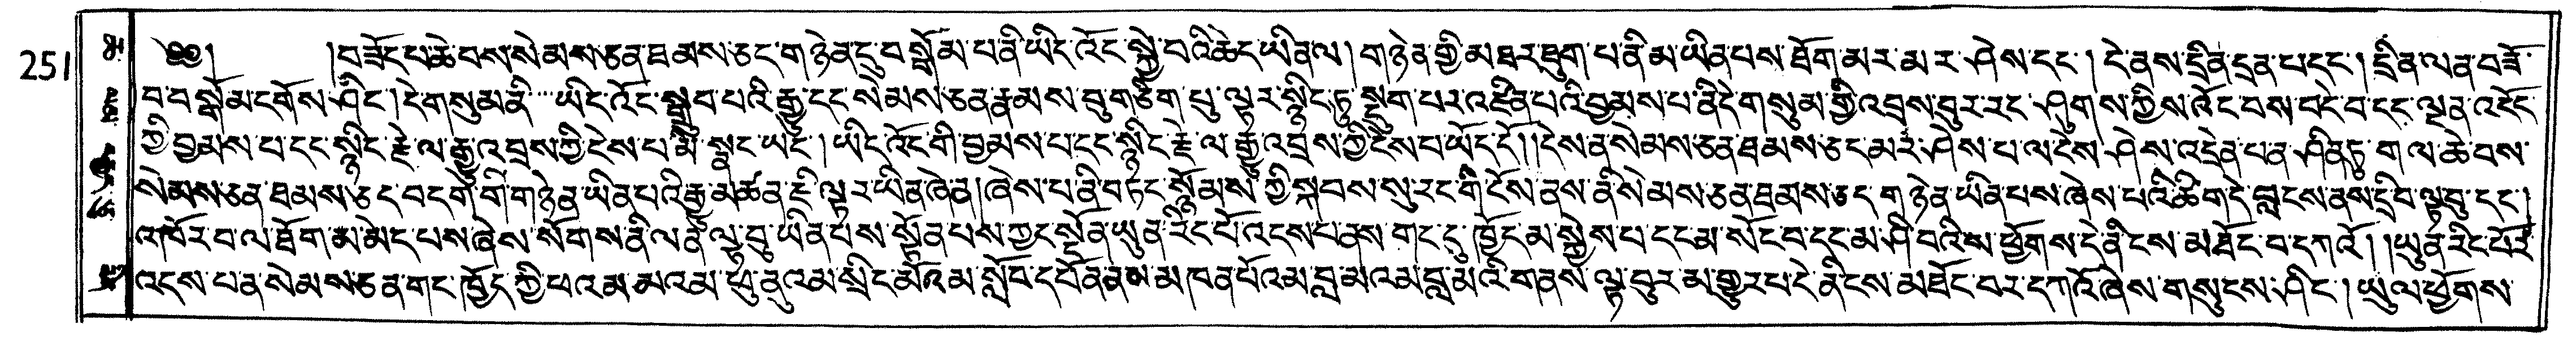༄༅། །བཟོད་པ་ཆེ་བས་སེམས་ཅན་ཐམས་ཅད་གཉེན་དུ་བསྒོམ་པ་ནི་ཡིད་འོང་སྐྱེ་བའི་ཆེད་ཡིན་ལ། གཉེན་གྱི་མཐར་ཐུག་པ་ནི་མ་ཡིན་པས་ཐོག་མར་མར་ཤེས་དང་། དེ་ནས་དྲིན་དྲན་པ་དང་། དྲིན་ལན་བཟོ་
བ་བསྒོམ་དགོས་ཤིང་། དེ་གསུམ་ནི་ཡིད་འོང་སྒྲུབ་པའི་རྒྱུ་དང་སེམས་ཅན་རྣམས་བུ་གཅིག་པུ་ལྟར་སྙིང་ཏུ་སྡུག་པར་འཛིན་པའི་བྱམས་པ་ནི་དེ་གསུམ་གྱི་འབྲས་བུར་རང་ཤུགས་ཀྱིས་འོང་བས་བདེ་བ་དང་ལྡན་འདོད་
ཀྱི་བྱམས་པ་དང་སྙིང་རྗེ་ལ་རྒྱུ་འབྲས་ཀྱི་ངེས་པ་མི་སྣང་ཡང་། ཡིད་འོང་གི་བྱམས་པ་དང་སྙིང་རྗེ་ལ་རྒྱུ་འབྲས་ཀྱི་ངེས་པ་ཡོད་དོ། །དེས་ན་སེམས་ཅན་ཐམས་ཅད་མར་ཤེས་པ་ལ་ངེས་ཤེས་འདྲེན་པ་ན་ཤིན་ཏུ་གལ་ཆེ་བས་
སེམས་ཅན་ཐམས་ཅད་བདག་གི་གཉེན་ཡིན་པའི་རྒྱུ་མཚན་ཇི་ལྟར་ཡིན་ཞེ་ན། ཞེས་པ་ནི་བཏང་སྙོམས་ཀྱི་སྐབས་སུ་རང་གི་ངོས་ནས་ནི་སེམས་ཅན་ཐམས་ཅད་གཉེན་ཡིན་པས་ཞེས་པའི་ཚིག་དེ་བླངས་ནས་དྲི་བ་ལྟ་བུ་དང་།
འཁོར་བ་ལ་ཐོག་མ་མེད་པས་ཞེས་སོགས་ནི་ལན་ལྟ་བུ་ཡིན་པས་སྟོན་པས་ཀྱང་སྔོན་ཡུན་རིང་པོ་འདས་པ་ནས་གང་དུ་ཁྱོད་མ་སྐྱེས་པ་དང་མ་སོང་བ་དང་མ་ཤི་བའི་ས་ཕྱོགས་དེ་ནི་ངས་མཐོང་བ་དཀའོ། །ཡུན་རིང་པོར་
འདས་པ་ན་སེམས་ཅན་གང་ཁྱོད་ཀྱི་ཕའམ་མའམ་ཕུ་ནུའམ་སྲིད་མོའམ་སློབ་དཔོན་ནམ་མཁན་པོའམ་བླ་མའམ་བླ་མའི་གནས་ལྟ་བུར་མ་གྱུར་པ་དེ་ནི་ངས་མཐོང་བར་དཀའོ་ཞེས་གསུངས་ཤིང་། ཡུལ་ཕྱོགས་